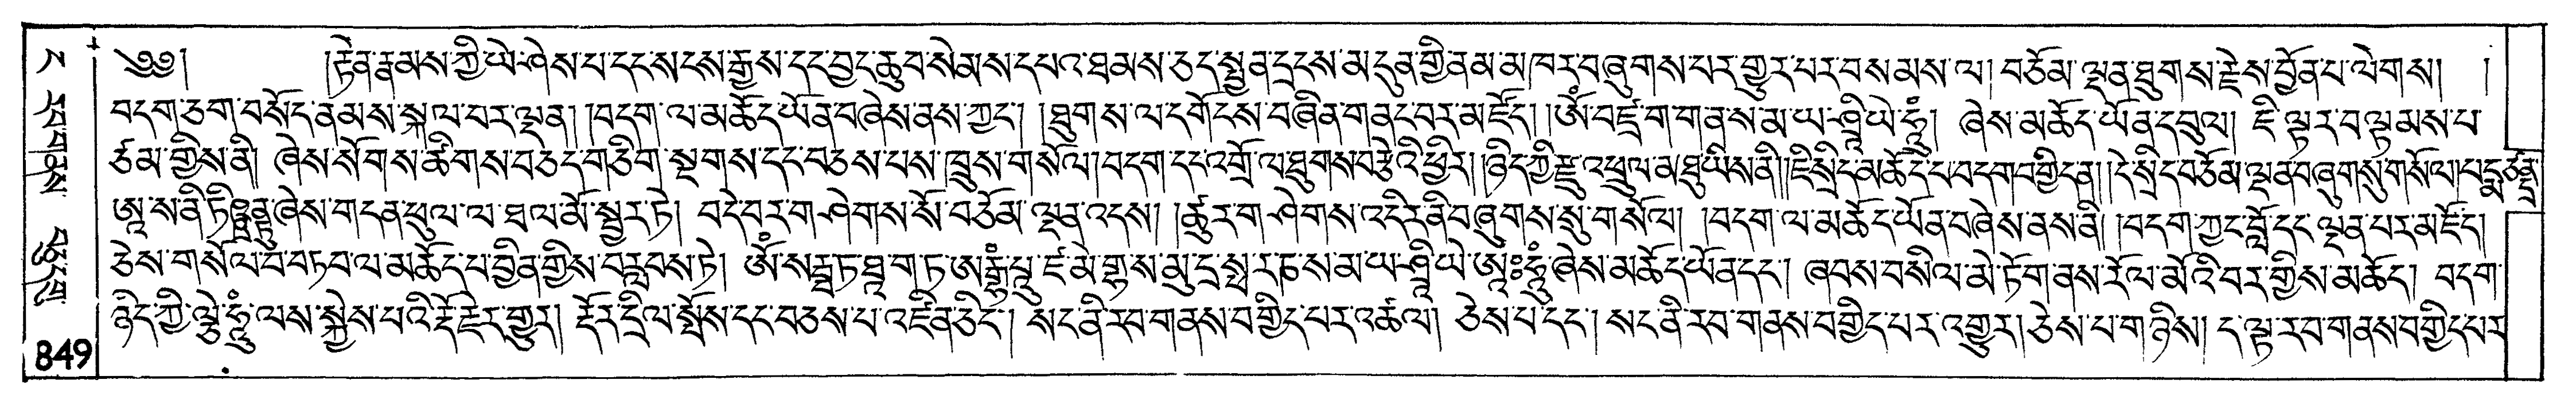༄༅། །རྟེན་རྣམས་ཀྱི་ཡེ་ཤེས་པ་དང་སངས་རྒྱས་དང་བྱང་ཆུབ་སེམས་དཔའ་ཐམས་ཅད་སྤྱན་དྲངས་མདུན་གྱི་ནམ་མཁར་བཞུགས་པར་གྱུར་པར་བསམས་ལ། བཅོམ་ལྡན་ཐུགས་རྗེས་བྱོན་པ་ལེགས། །
བདག་ཅག་བསོད་ནམས་སྐལ་པར་ལྡན། །བདག་ལ་མཆོད་ཡོན་བཞེས་ནས་ཀྱང་། །ཐུགས་ལ་དགོངས་བཞིན་གནང་བར་མཛོད། །ཨོཾ་བཛྲ་ག་ག་ན་ས་མ་ཡ་ཤྲཱི་ཡེ་ཧཱུཾ། ཞེས་མཆོད་ཡོན་དབུལ། ཇི་ལྟར་བལྟམས་པ་
ཙམ་གྱིས་ནི། ཞེས་སོགས་ཚིགས་བཅད་གཅིག་སྔགས་དང་བཅས་པས་ཁྲུས་གསོལ། བདག་དང་འགྲོ་ལ་ཐུགས་བརྩེའི་ཕྱིར། །ཉིད་ཀྱི་རྫུ་འཕྲུལ་མཐུ་ཡིས་ནི། །ཇི་སྲིད་མཆོད་པ་བདག་བགྱིད་ན། །དེ་སྲིད་བཅོམ་ལྡན་བཞུགས་སུ་གསོལ། པདམ་ཙནྡྲ་
ཨཱ་ས་ནི་ཏིཥཊཿཨནྟུ་ཞེས་གདན་ཕུལ་ལ་ཐལ་མོ་སྦྱར་ཏེ། བདེ་བར་གཤེགས་སོ་བཅོམ་ལྡན་འདས། །ཚུར་གཤེགས་འདིར་ནི་བཞུགས་སུ་གསོལ། །བདག་ལ་མཆོད་ཡོན་བཞེས་ནས་ནི། །བདག་ཀྱང་བློ་དང་ལྡན་པར་མཛོད།
ཅེས་གསོལ་བ་བཏབ་ལ་མཆོད་པ་བྱིན་གྱིས་བརླབས་ཏེ། ཨོཾ་སརྦྦ་ཏ་ཐཱ་ག་ཏ་ཨརྒྷཾ་པཱུ་ཛ་མེ་གྷ་ས་མུ་དྲ་སྥ་ར་ཎ་ས་མ་ཡ་ཤྲཱི་ཡེ་ཨཱཿ ཧཱུཾ་ཞེས་མཆོད་ཡོན་དང་། ཞབས་བསིལ་མེ་ཏོག་ནས་རོལ་མོའི་བར་གྱིས་མཆོད། བདག་
ཉིད་ཀྱི་ལྕེ་ཧཱུཾ་ལས་སྐྱེས་པའི་རྡོ་རྗེར་གྱུར། རྡོར་དྲིལ་སྤོས་དང་བཅས་པ་འཛིན་ཅིང་། སང་ནི་རབ་གནས་བགྱིད་པར་འཚལ། ཅེས་པ་དང་། སང་ནི་རབ་གནས་བགྱིད་པར་འགྱུར། ཅེས་པ་གཉིས། ད་ལྟ་རབ་གནས་བགྱིད་པར་